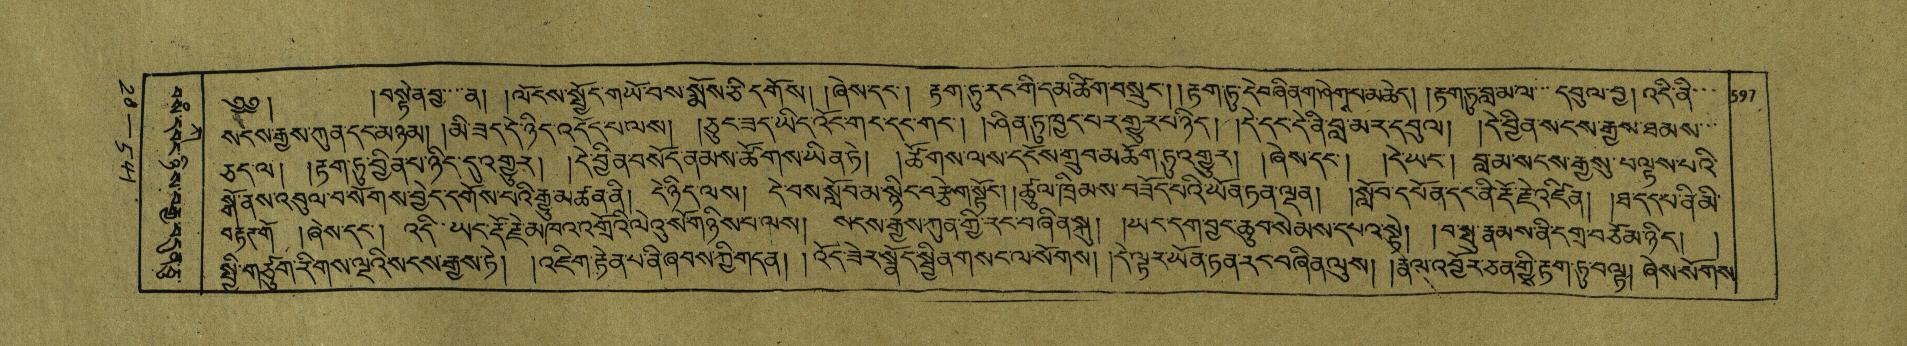༄༅། །བསྟེན་བྱ་ན། །ལོངས་སྤྱོད་གཡོ་བས་སྨོས་ཅི་དགོས། །ཞེས་དང་། རྟག་ཏུ་རང་གི་དམ་ཚིག་བསྲུང་། །རྟག་ཏུ་དེ་བཞིན་གཤེགས་པ་མཆེད། །རྟག་ཏུ་བླ་མ་ལ་དབུལ་བྱ། འདི་ནི་
སངས་རྒྱས་ཀུན་དང་མཉམ། །མི་ཟད་དེ་ཉིད་འདོད་པ་ལས། །ཅུང་ཟད་ཡིད་འོང་གང་དང་གང་། །ཤིན་ཏུ་ཁྱད་པར་གྱུར་པ་ཉིད། །དེ་དང་དེ་ནི་བླ་མར་དབུལ། །དེ་བྱིན་སངས་རྒྱས་ཐམས་
ཅད་ལ། །རྟག་ཏུ་བྱིན་པ་ཉིད་དུ་འགྱུར། །དེ་བྱིན་བསོད་རྣམས་ཚོགས་ཡིན་ཏེ། །ཚོགས་ལས་དངོས་གྲུབ་མཆོག་ཏུ་འགྱུར། །ཞེས་དང་། །དེ་ཡང་། བླ་མ་སངས་རྒྱསུ་པ་ལྟས་པའི་
སྒོ་ནས་འབུལ་བ་སོགས་བྱེད་དགོས་པའི་རྒྱུ་མཚན་ནི། དེ་ཉིད་ལས། དེ་བས་སློབ་མ་སྙིང་བརྩེག་སྟོང་། །ཚུལ་ཁྲིམས་བཟོད་པའི་ཡོན་ཏན་ལྡན། །སློབ་དཔོན་དང་ནི་རྡོ་རྗེ་འཛིན། །ཐ་དད་པ་ནི་མི་
བརྟཊ་གོ །ཞེས་དང་། འདི་ཡང་རྡོ་རྗེ་མཁའ་འགྲོའི་ལེའུ་སོ་གཉིས་པ་ལས། སངས་རྒྱས་ཀུན་གྱི་རང་བཞིན་སྐུ། །ཡང་དག་བྱང་ཆུབ་སེམས་དཔའ་སྟེ། །བ་སྦུ་རྣམས་ནི་དགྲ་བཅོམ་ཉིད། །
སྤྱི་གཙུག་རིགས་ལྔའི་སངས་རྒྱས་ཏེ། །འཇིག་རྟེན་པ་ནི་ཞབས་ཀྱི་གདན། །འོད་ཟེར་སྣོད་སྤྱིན་གསང་ལ་སོགས། །དེ་ལྟར་ཡོན་ཏན་རྣག་བཞིན་ལུས། །རྣལ་འབྱོར་ཅན་གྱིས་རྟག་ཏུ་བལྟ། །ཞེས་སོགས་